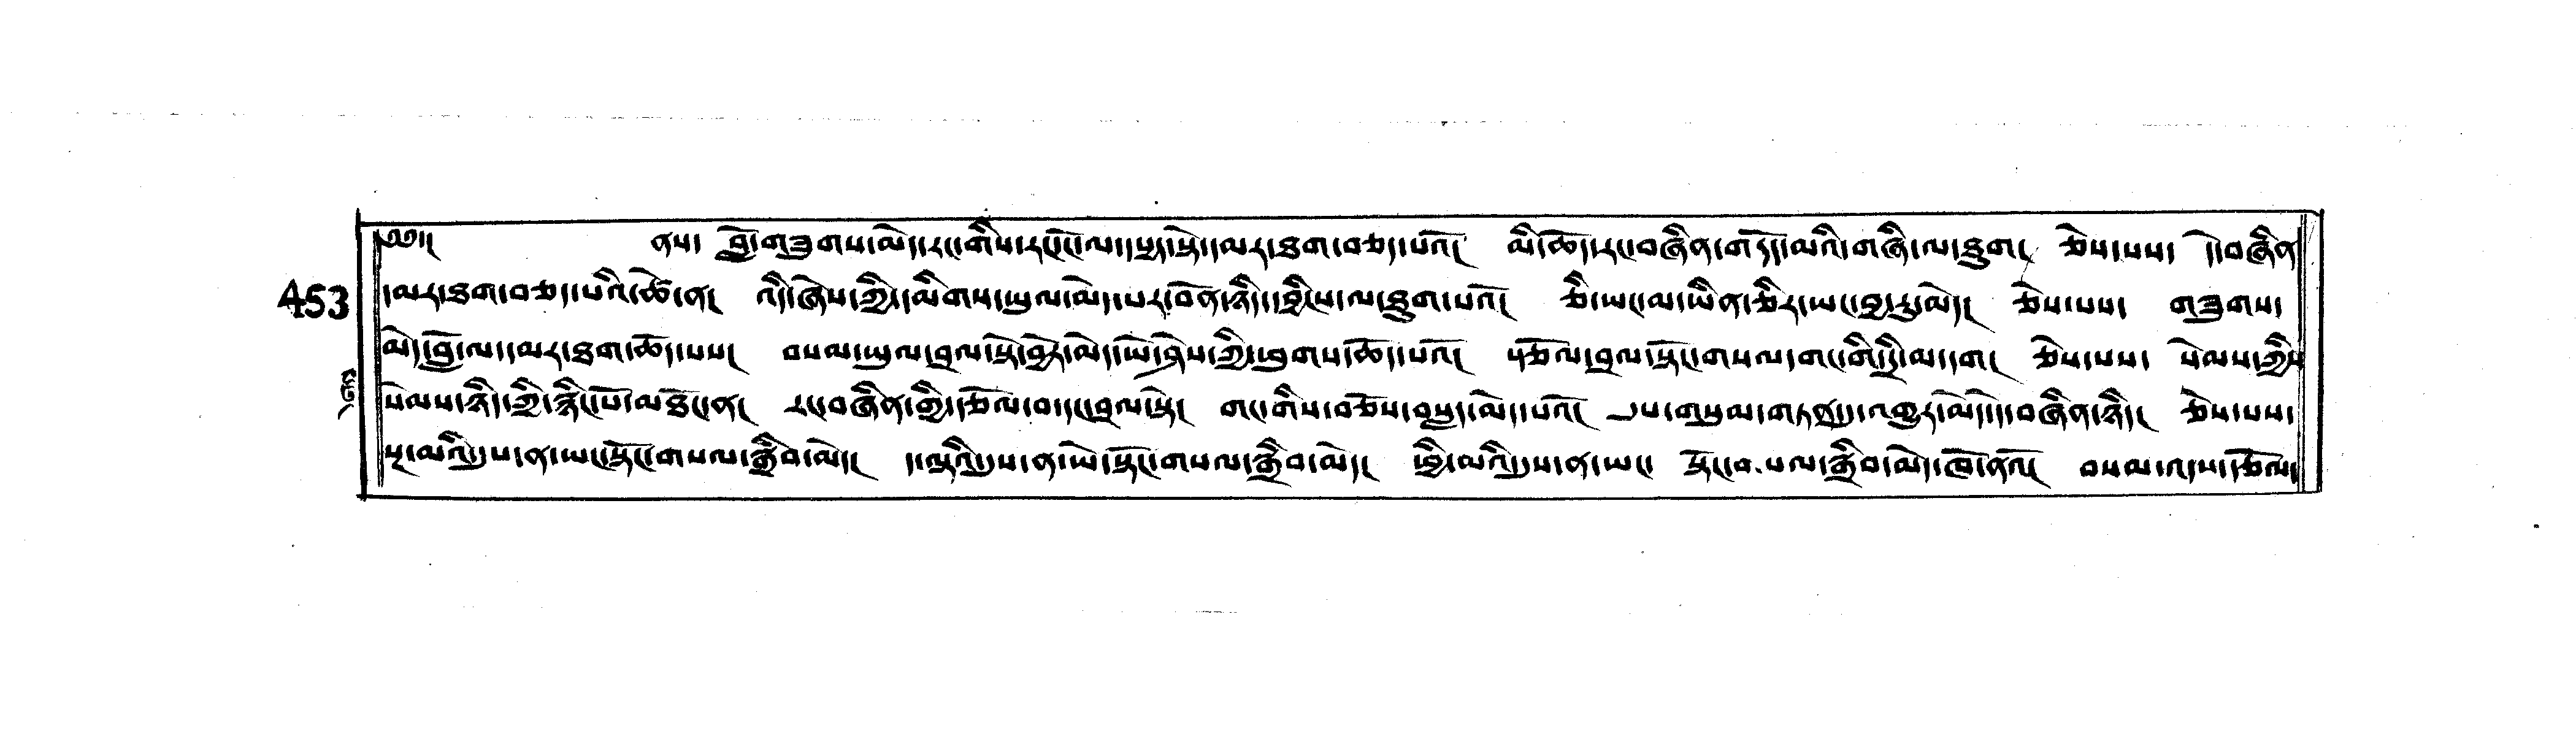ནས། བློ་གཟུགས་མེད་རང་གིས་རང་ངོ་ལ་དཔྱད་དེ་དམར་ཐག་བཅད་པའོ། མི་ཆོད་རང་བཞིན་གདོད་མའི་གཞི་ལ་ཐུག ཅེས་པས། དེ་བཞིན་
དམར་ཐག་བཅད་པའི་ཚེ་ན། འདི་ཞེས་ཀྱི་དམིགས་ཡུལ་མེད་པར་བོན་ཉིད་དབྱིངས་ལ་ཐུག་པའོ། ཅི་ཡང་མ་ཡིན་ཅི་ཡང་བྱ་རུ་མེད། ཅེས་པས། གཟུགས་
མེད་བློ་ལ་དམར་ཐག་ཆོད་པས། བསམ་ཡུལ་བྲལ་ཏེ་དབྱེར་མེད་ཡེ་ཤེས་ཀྱི་ཕུགས་ཆོད་པའོ། རྩོལ་བྲལ་སྟོང་གསལ་གང་གི་དྲི་མ་དག ཅེས་པས། སེམས་ཀྱི་
སེམས་ཉིད་ཀྱི་སྙིང་པོ་མཐོང་ན། རང་བཞིན་གྱི་རྩོལ་བ་དང་བྲལ་ཏེ། གང་གིས་བཅོས་སླད་མེད་པའོ། དུས་གསུམ་གཏན་དུ་འགྱུར་མེད་དེ་བཞིན་ཉིད། ཅེས་པས། 
སྔ་མའི་དུས་ན་ཡང་སྟོང་གསལ་སྒྲིབ་མེད། ད་ལྟའི་དུས་ན་ཡེ་སྟོང་གསལ་སྒྲིབ་མེད། ཕྱི་མའི་དུས་ན་ཡང་སྟོང་གསལ་སྒྲིབ་མེད་ཁོ་ནའོ། བསམ་འདས་རྩོལ་